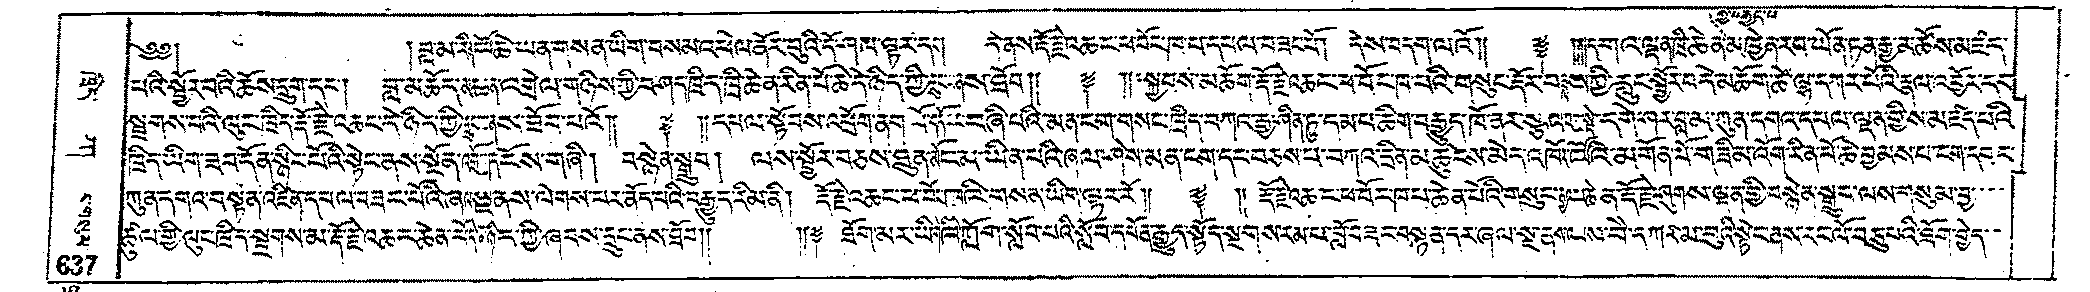༄༅། །བླ་མ་རིན་པོ་ཆེ་ཡན་གསན་ཡིག་བསམ་འཕེལ་ནོར་བུའི་དོ་ཤལ་ལྟར་དང་། དེ་ནས་རྡོ་རྗེ་འཆང་ཕ་བོང་ཁ་པ་དཔལ་བཟང་པོ། དེས་བདག་ལའོ།། འ་།།དགའ་ལྡན་ཁྲི་ཆེན་གྱ་བརྒྱད་པ་མཁྱེན་རབ་ཡོན་ཏན་རྒྱ་མཚོས་མཛད་
པའི་སྦྱོར་བའི་ཆོས་དྲུག་དང་། བླ་མཆོད་མཆན་འགྲེལ་གཉིས་ཀྱི་བཤད་ཁྲིད་ཁྲི་ཆེན་རིན་པོ་ཆེ་དེ་ཉིད་ཀྱི་དྲུང་ནས་ཐོབ།། འ་།།༧་སྐྱབས་མཆོག་རྡོ་རྗེ་འཆང་ཕ་བོང་ཁ་པའི་གསུང་རྡོར་བཟླས་ཀྱི་རླུང་སྦྱོར་བདེ་མཆོག་ཚེ་ལྷ་དཀར་པོའི་རྣལ་འབྱོར་དང་
སྦྲགས་པའི་ལུང་ཁྲིད་རྡོ་རྗེ་འཆང་དེ་ཉིད་ཀྱི་དྲུང་ནས་ཐོབ་པའོ།། འ་།།དཔལ་སྟོབས་འཕྲོག་ནག་པོ་གདོང་བཞི་པའི་མན་ངག་གསང་ཁྲིད་བཀའ་རྒྱུ་ཤིན་ཏུ་དམ་པ་ཆུག་བརྒྱུད་ཁོ་ནར་སྩལ་བ་སྡེ་དགེ་ཤར་བླ་མ་ཀུན་དགའ་དཔལ་ལྡན་གྱིས་མཛད་པའི་
ཁྲིད་ཡིག་ཟབ་དོན་སྙིང་པོའི་སྟེང་ནས་སྔོན་འགྲོ། དངོས་གཞི། བསྙེན་སྒྲུབ། ལས་སྦྱོར་བཅས་ཐུན་མོང་མ་ཡིན་པའི་ཞལ་ཤེས་མན་ངག་དང་བཅས་པ་བཀའ་དྲིན་མཚུངས་མེད་འཁོར་ལོའི་མགོན་པོ་གཟིམ་འོག་རིམ་པོ་ཆེ་བྱམས་པ་ངག་དབང་
ཀུན་དགའ་བསྟན་འཛིན་དཔལ་བཟང་པོའི་ཞལ་སྔ་ནས་ལེགས་པར་ནོད་པའི་བརྒྱུད་རིམ་ནི། རྡོ་རྗེ་འཆང་ཕ་བོང་ཁའི་གསན་ཡིན་ལྟར་རོ།། འ་།།རྡོ་རྗེ་འཆང་ཕ་བོང་ཁ་པ་ཆེན་པོའི་གསུང་རྒྱལ་ཆེན་རྡོ་རྗེ་ཤུགས་ལྡན་གྱི་བསྙེན་སྒྲུབ་ལས་གསུམ་བྱ་
ཚུལ་གྱི་ལུང་ཁྲིད་སྦྲགས་མ་རྡོ་རྗེ་འཆང་ཆེན་པོ་དེ་ཉིད་ཀྱི་ཞབས་དྲུང་ནས་ཐོབ།། །།འ་ཐོབ་མར་ཡི་གེའི་ཀློག་སློབ་པའི་སློབ་དཔོན་རྒྱུད་སྟོད་སྔགས་རམ་པ་བློ་བཟང་བསྟན་དར་ཞལ་སྔ་ནས་ལས་བཻ་དཀར་མ་བུའི་སྟེང་ནས་རང་ལོ་བཅུ་པའི་ཐོག་བྱེད་